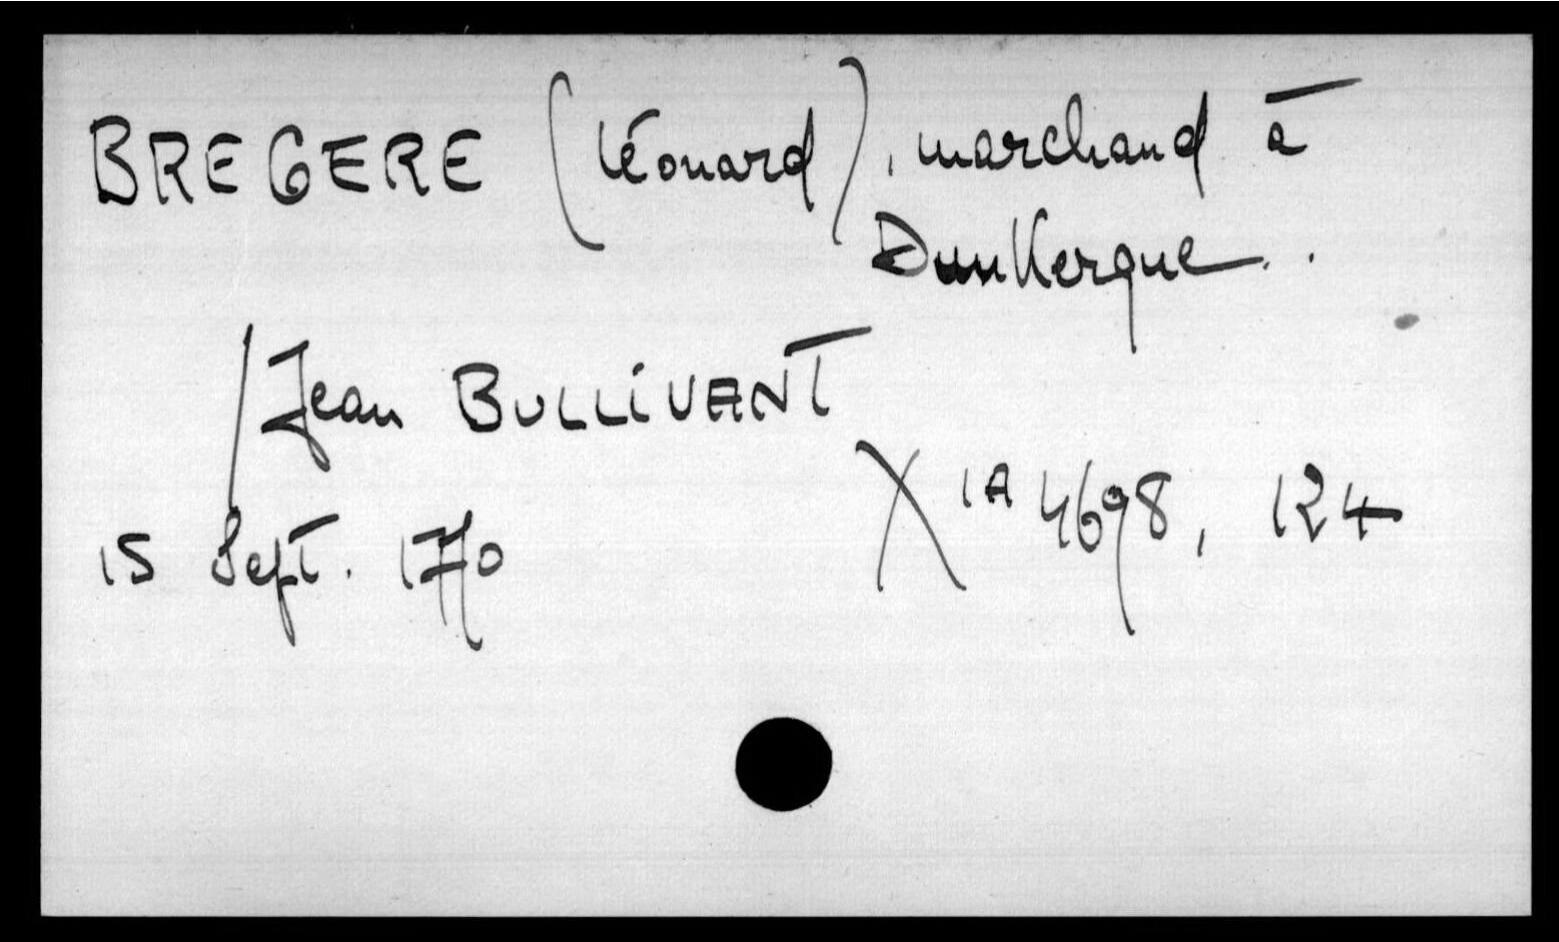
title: BREGERE (Léonard), marchand à Dunkerque
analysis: Contre Jean BULLIVANT
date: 15 septembre 1770
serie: X1A
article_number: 4698
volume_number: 124
